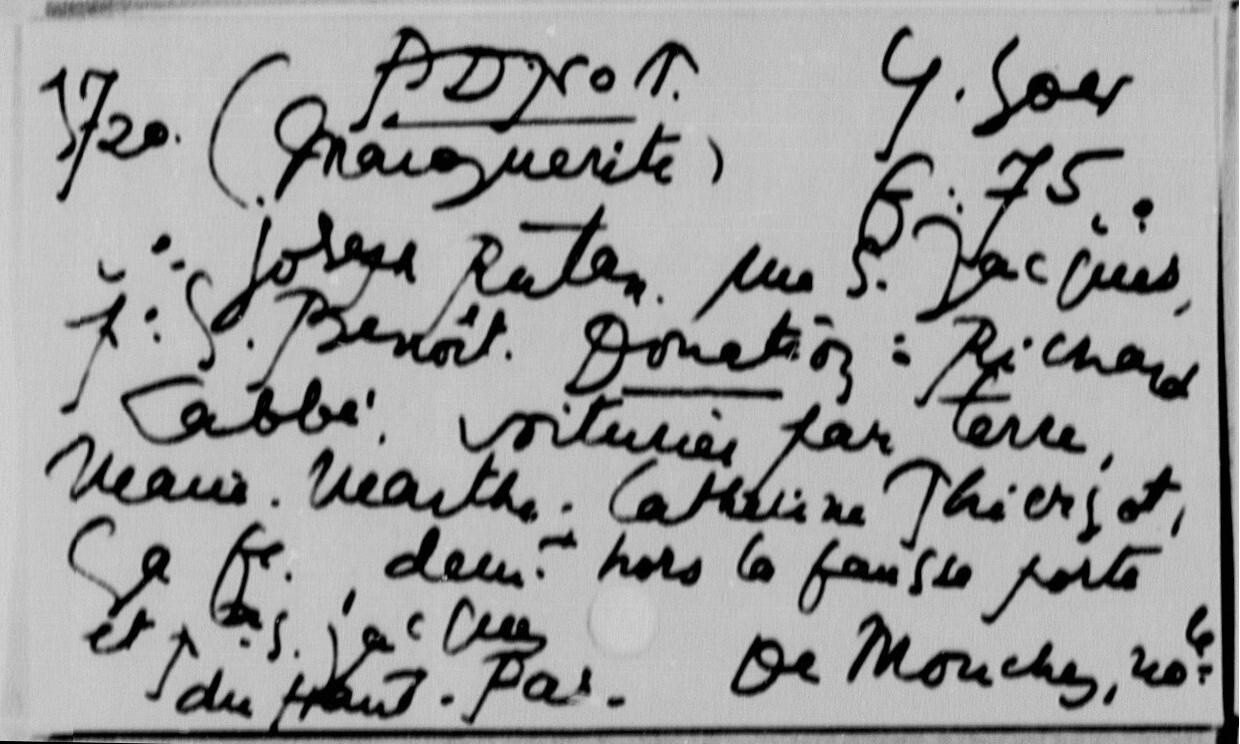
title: ADNOT (Marguerite)
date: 1720
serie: Y
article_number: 304
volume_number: folio 75 verso
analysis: veuve Joseph Rutan, rue Saint Jacques, paroisse Saint Benoît Donation à Richard Labbé, voiturier par terre, Marie Marthe Thiersot, sa femme, demeurant hors la fausse porte et paroisse Saint Jacques du Haut Pas De Mouchy, notaire
